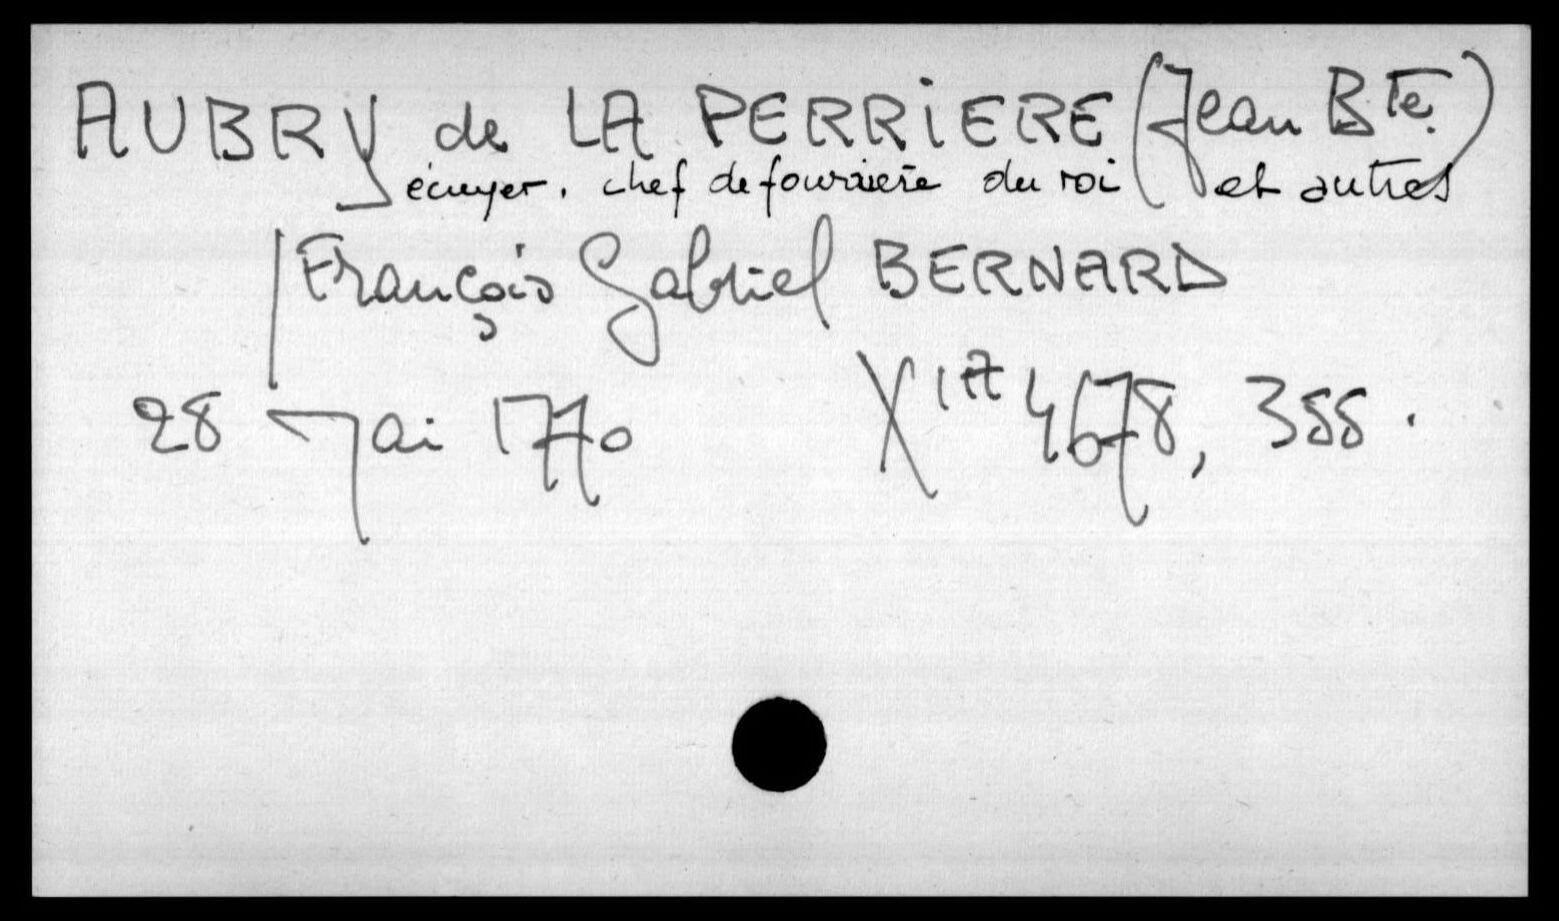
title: AUBRY de LA PERRIERE (Jean Baptiste) écuyer, chef de fouraière du roi et autres
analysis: Contre François Gabriel BERNARD
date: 28 mai 1770
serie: X1A
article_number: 4678
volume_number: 355
